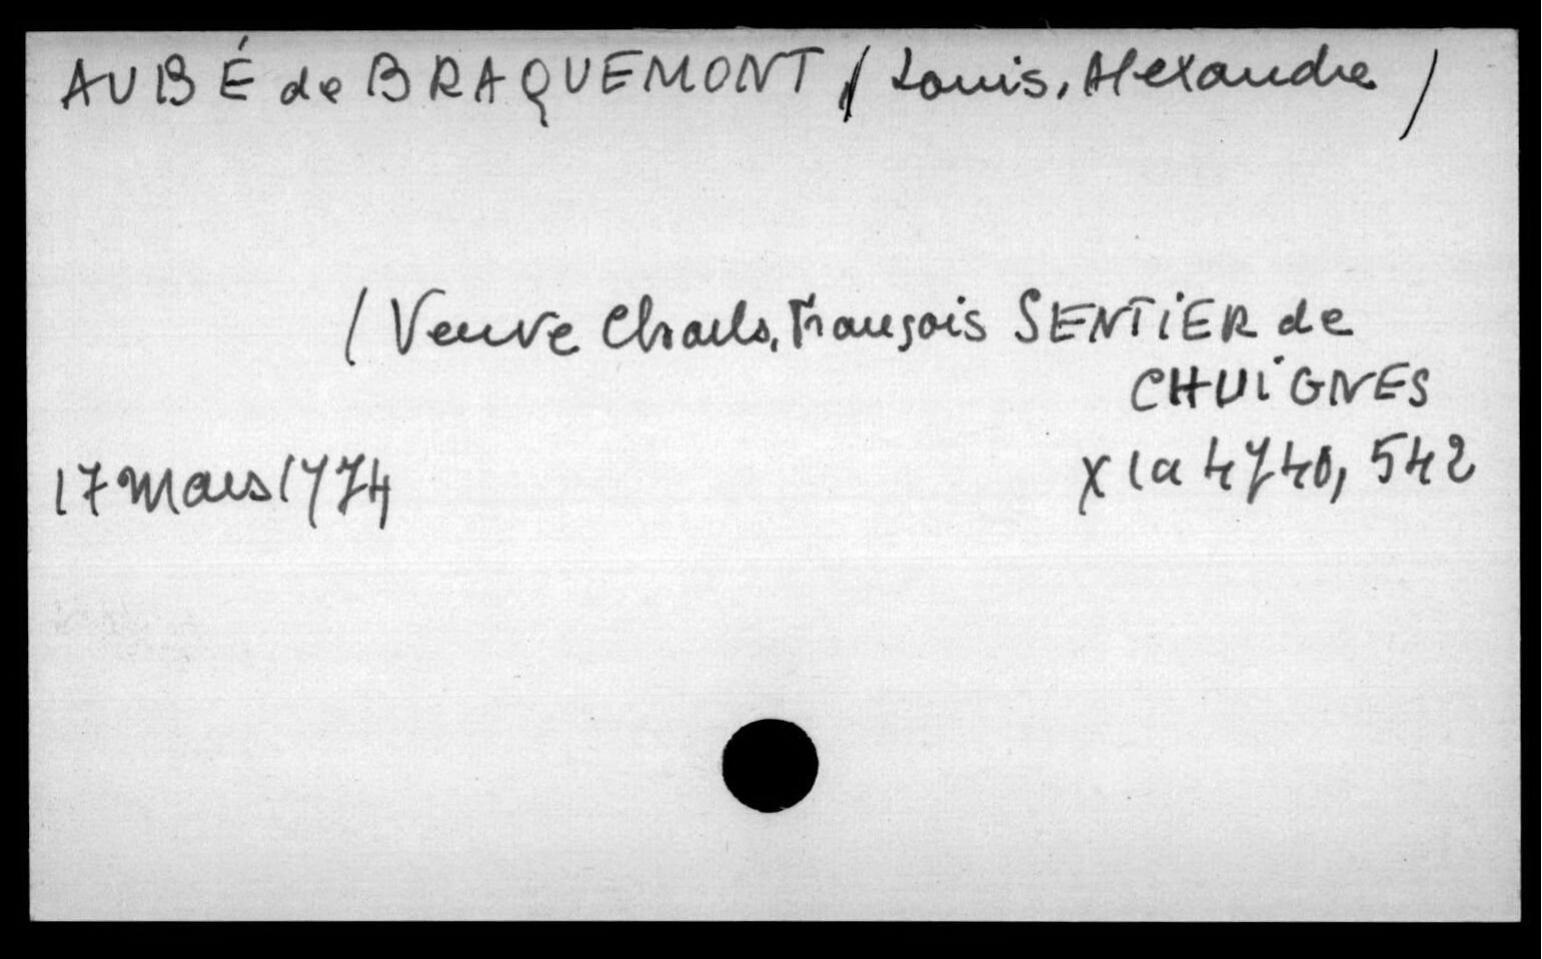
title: AUBÉ de BRAQUEMONT (Louis, Alexandre)
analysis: Contre Veuve Charles, François SENTIER de CHUIGNES
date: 17 mars 1774
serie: X1a
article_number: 4740
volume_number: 542
